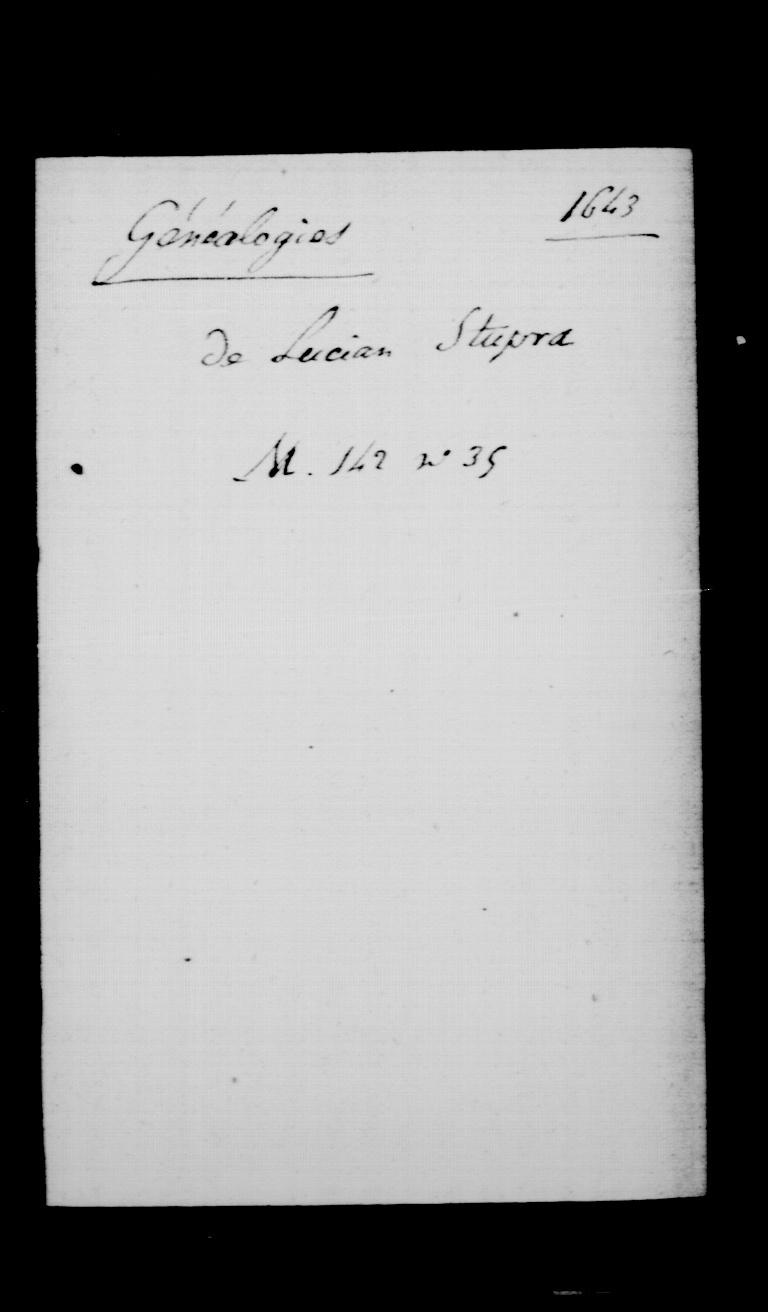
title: Généalogies
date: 1643
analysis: de Lucian Stupra
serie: M
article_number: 142
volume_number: n° 35
